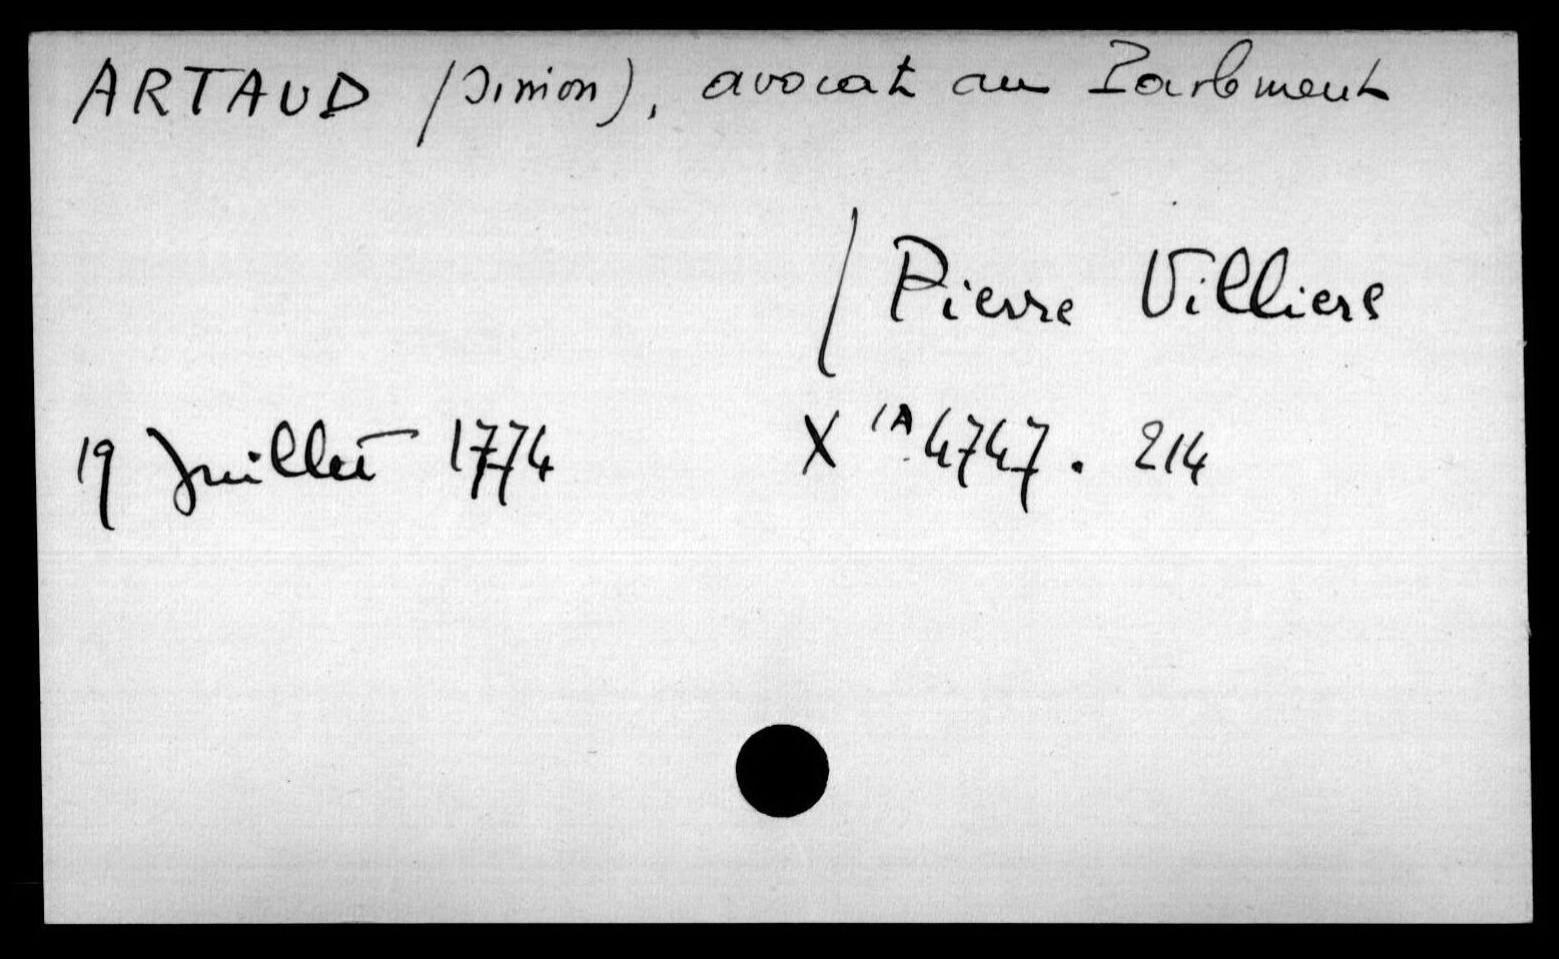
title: ARTAUD (Simon), avocat au Parlement
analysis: Contre Pierre Villiers
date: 19 juillet 1774
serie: X1A
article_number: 4747
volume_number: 214
